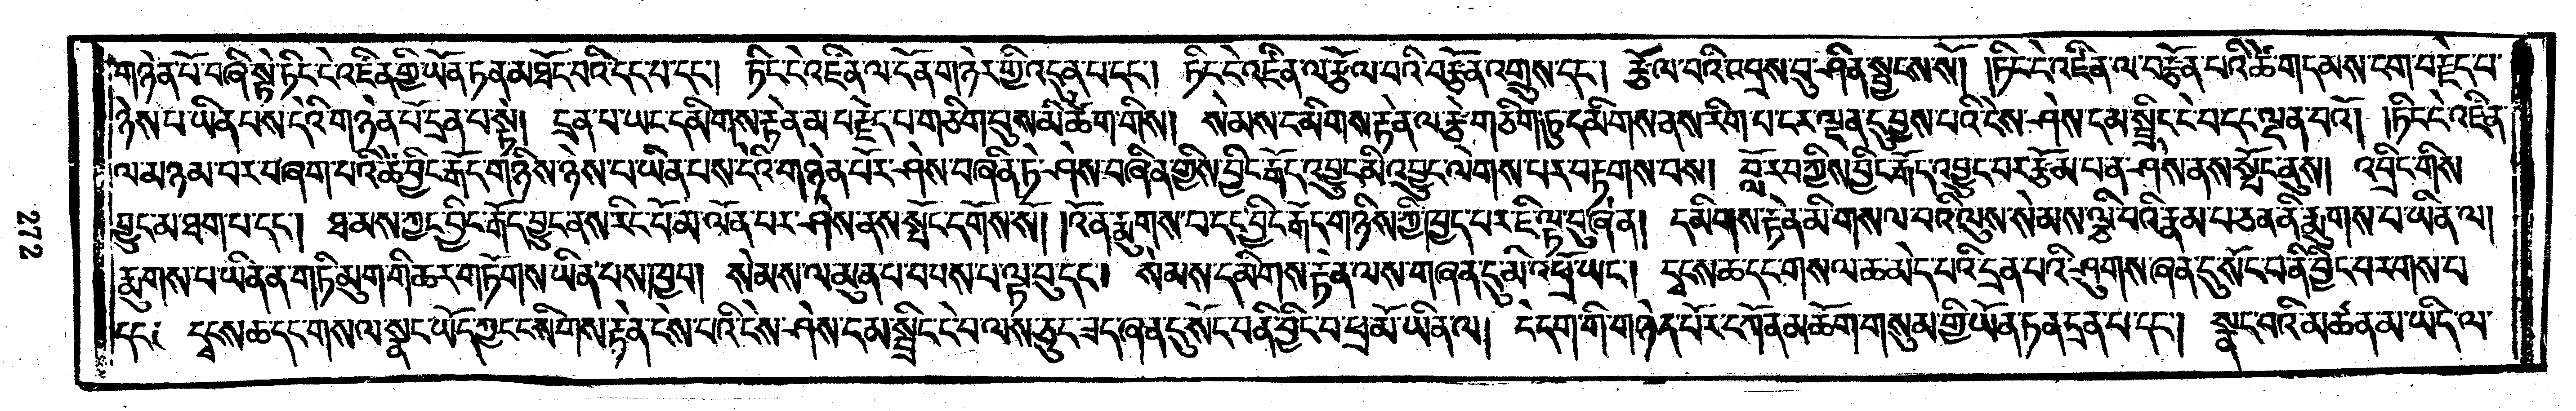གཉེན་པོ་བཞི་སྟེ་ཏིང་ངེ་འཛིན་གྱི་ཡོན་ཏན་མཐོང་བའི་དད་པ་དང་། ཏིང་ངེ་འཛིན་ལ་དོན་གཉེར་གྱི་འདུན་པ་དང་། ཏིང་ངེ་འཛིན་ལ་རྩོལ་བའི་བརྩོན་འགྲུས་དང་། རྩོལ་བའི་འབྲས་བུ་ཤིན་སྦྱངས་སོ། །ཏིང་ངེ་འཛིན་ལ་བརྩོན་པའི་ཚེ་གདམས་ངག་བརྗེད་པ་
ཉེས་པ་ཡིན་པས་དེའི་གཉེན་པོ་དྲན་པ་སྟེ། དྲན་པ་ཡང་དམིགས་རྟེན་མ་བརྗེད་པ་གཅིག་པུས་མི་ཆོག་གིས། སེམས་དམིགས་རྟེན་ལ་རྩེ་གཅིག་ཏུ་དམིགས་ནས་རིག་པ་ངར་ལྡན་དུ་བྱས་པའི་ངེས་ཤེས་དམ་སྦྲིང་ངེ་བ་དང་ལྡན་པའོ། །ཏིང་ངེ་འཛིན་
ལ་མཉམ་བར་བཞག་པའི་ཚེ་བྱིང་རྒོད་གཉིས་ཉེས་པ་ཡིན་པས་དེའི་གཉེན་པོར་ཤེས་བཞིན་ཏེ་ཤེས་བཞིན་གྱིས་བྱིང་རྒོད་འབྱུང་མི་འབྱུང་ལེགས་པར་བརྟགས་བས། བློ་རབ་ཀྱིས་བྱིང་རྒོད་འབྱུང་བར་བརྩོམ་པ་ན་ཤེས་ནས་སྤོང་ནུས། འབྲིང་གིས་
བྱུང་མ་ཐག་པ་དང་། ཐ་མས་ཀྱང་བྱིང་རྒོད་བྱུང་ནས་རིང་པོ་མ་ལོན་པར་ཤེས་ནས་སྤོང་དགོས་སོ། །འོ་ན་རྨུགས་བ་དང་བྱིང་རྒོད་གཉིས་ཀྱི་ཁྱད་པར་ཇི་ལྟ་བུ་ཞེ་ན། དམིགས་རྟེན་མི་གསལ་བའི་ལུས་སེམས་ལྕི་བའི་རྣམ་པ་ཅན་ནི་རྨུགས་པ་ཡིན་ལ།
རྨུགས་པ་ཡིན་ན་གཏི་མུག་གི་ཆར་གཏོགས་ཡིན་པས་ཁྱབ། སེམས་ལ་མུན་པ་བབས་པ་ལྟ་བུ་དང་། སེམས་དམིགས་རྟེན་ལས་གཞན་དུ་མི་འཕྲོ་ཡང་། དྭངས་ཆད་དང་གསལ་ཆ་མེད་པའི་དྲན་པའི་ཤུགས་ཞན་དུ་སོང་བ་ནི་བྱིང་བ་རགས་པ་
དང༑ དྭངས་ཆ་དང་གསལ་སྣང་ཡོད་ཀྱང་ངས་གིས་རྟེན་ངེས་པའི་ངེས་ཤེས་དམ་སྦྲིང་ངེ་བ་ལས་ཅུང་ཟད་ཞན་དུ་སོང་བ་ནི་བྱིང་བ་ཕྲ་མོ་ཡིན་ལ། དེ་དག་གི་གཉེར་པོར་དཀོན་མཆོག་གསུམ་གྱི་ཡོན་ཏན་དྲན་པ་དང་། སྣང་བའི་མཚན་མ་ཡིད་ལ་